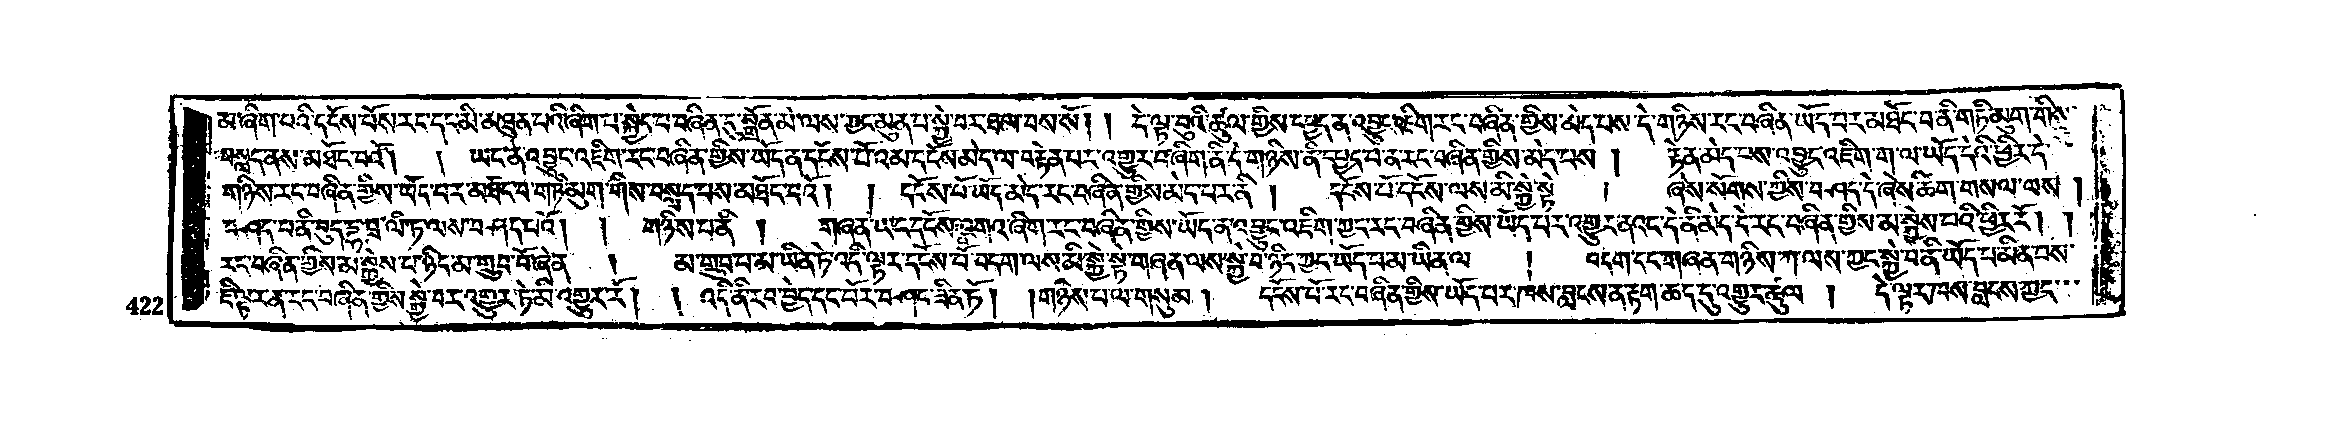མ་ཞིག་པའི་དངོས་པོས་རང་དང་མི་མཐུན་པའི་ཞིག་ང་སྐྱེད་པ་བཞིན་དུ་སྔོན་མེ་ལས་ཀྱང་མུན་པ་སྐྱེ་བར་དང་བས་སོ། །དེ་ལྟ་བུའི་ཚུལ་གྱིས་དཔྱད་ན་འབྱུང་འཇིག་རང་བཞིན་གྱིས་མེད་པས་དེ་གཉིས་རང་བཞིན་ཡོད་པར་མཐོང་བ་ནི་གཏི་མུག་གིས་
བསླད་ནས་མཐོང་བའོ། །ཡང་ན་འབྱུང་འཇིག་རང་བཞིན་གྱིས་ཡོད་ན་དངོས་པོའམ་དངོས་མེད་ལ་བརྟེན་པར་འགྱུར་བ་ཞིག་ནི་དེ་གཉིས་ནི་དཔྱད་པ་ན་རང་བཞིན་གྱིས་མེད་པས། རྟེན་མེད་པས་འབྱུང་འཇིག་ག་ལ་ཡོད་དེའི་ཕྱིར་དེ་
གཉིས་རང་བཞིན་གྱིས་ཡོད་པར་མཐོང་བ་གཏི་མུག་གིས་བསླད་པས་མཐོང་བའོ། །དངོས་པོ་ཡོད་མེད་རང་བཞིན་གྱིས་མེད་པར་ནི། དངོས་པོ་དངོས་ལས་མི་སྐྱེ་སྟེ། ཞེས་སོགས་ཀྱིས་བཤད་དེ་ཞེས་ཚིག་གསལ་ལས།
བཤད་པ་ནི་བུད་དྷ་པཱ་ལི་ཏ་ལས་བཤད་པའོ། །གཉིས་པ་ནི། གཞན་ཡང་དངོས་པོ་འགའ་ཞིག་རང་བཞིན་གྱིས་ཡོད་ན་འབྱུང་འཇིག་ཀྱང་རང་བཞིན་གྱིས་ཡོད་པར་འགྱུར་ནའང་དེ་ནི་མེད་དེ་རང་བཞིན་གྱིས་མ་སྐྱེས་པའི་ཕྱིར་རོ། །
རང་བཞིན་གྱིས་མ་སྐྱེས་པ་ཉིད་མ་གྲུབ་པོ་ཞེ་ན། མ་གྲུབ་པ་མ་ཡིན་ཏེ་འདི་ལྟར་དངོས་པོ་བདག་ལས་མེ་སྐྱེ་སྟེ་གཞན་ལས་སྐྱེ་བ་ཉིད་ཀྱང་ཡོད་པ་མ་ཡིན་ལ། བདག་དང་གཞན་གཉིས་ཀ་ལས་ཀྱང་སྐྱེ་བ་ནི་ཡོད་པ་མིན་པས་
ཇི་ལྟར་ན་རང་བཞིན་གྱིས་སྐྱེ་བར་འགྱུར་ཏེ་མི་འགྱུར་རོ། །འདི་ནི་རབ་བྱེད་དང་པོར་བཤད་ཟིན་ཏོ། །གཉིས་པ་ལ་གསུམ། དངོས་པོ་རང་བཞིན་གྱིས་ཡོད་པར་ཁས་བླངས་ན་རྟག་ཆད་དུ་འགྱུར་ཚུལ། དེ་ལྟར་ཁས་བླངས་ཀྱང་